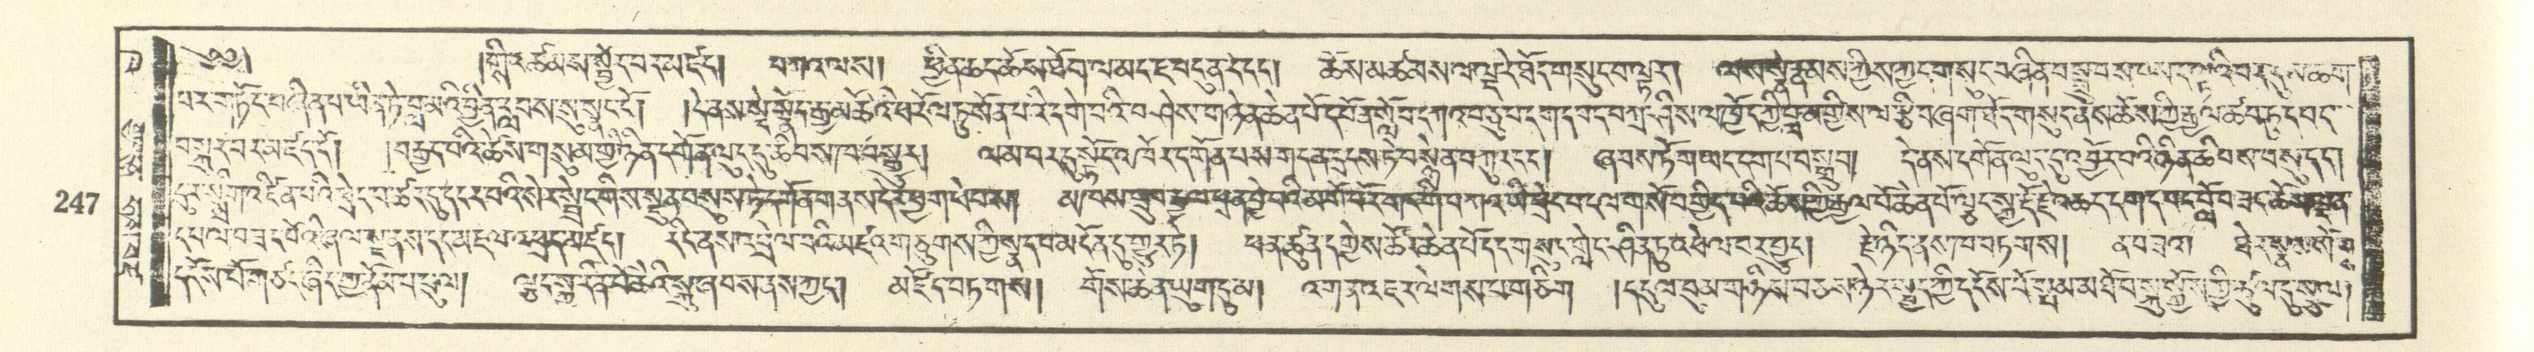༄༅། །གིས་འཚམས་སྦྱོར་བར་མཛད། བཀའ་ལས། ཕྱིན་ཆད་ཆོས་ཐོག་ལ་མང་ཇ་བདུན་རེ་དང་། ཆོས་མཚམས་ལ་ལྔ་རེ་ཐོད་གསུང་བལྟར། ལས་སྣེ་རྣམས་ཀྱིས་ཀྱད་གསུང་བཞིན་བསྒྲུབས་པས་ད་ལྟའི་བར་དུ་མ་ཆག་
པར་གཏོང་བཞིན་པ་ཡིན་ཏེ་བླ་མའི་བྱིན་རླབས་སུ་སྣང་ངོ། །དེ་ནས་སྡེ་སྣོད་རྒྱ་མཚོའི་ཕ་རོལ་ཏུ་སོན་པའི་དགེ་བའི་བཤེས་གཉེན་ཆེན་པོ་དཔོན་སློབ་དཀའ་བཅུ་པ་ངག་དབང་བཀྲ་ཤིས་ལ་ཁྱོད་ཀྱི་བླ་མ་གྱིས་ལ་རྩི་བཞག་ཐོང་གསུང་ནས་ཆོས་ཀྱི་རྒྱལ་ཚབ་ཏུ་དཔང་
བསྐུར་བར་མཛད་དོ། །བརྒྱད་པའི་ཚེས་གསུམ་གྱི་ཉིན་དགོན་ལུང་དུ་ཆིབས་ཁ་བསྒྱུར། ལམ་བར་དུ་སྟོང་འཁོར་དགོན་པས་གདན་དྲངས་ཏེ་བསྙེན་བཀུར་དང་། ཞབས་ཏོག་ཡང་དག་པ་བསྒྲུབ། དེ་ནས་དགོན་ལུང་དུ་འབྱོར་བའི་ཉིན་ཆིབས་བསུ་དང་།
དུར་སྨྲིག་འཛིན་པའི་ཕྲེང་བ་ཚར་དུ་དངར་བའི་སེར་སྦྲེང་གིས་སྡུན་བསུས་ཏེ་དགོན་གནས་དེར་ཕྱག་ཕེབས། མཁས་གྲུབ་རྒྱལ་ཕྲན་བྱེ་བའི་མགོ་བོར་གང་གི་བཀའ་ཡི་ཕྲེང་བ་ངལ་གསོ་བགྱིད་པའི་ཆོས་ཀྱི་རྒྱལ་པོ་ཆེན་པོ་ལྕང་སྐྱ་རྡོ་རྗེ་འཆད་ངག་དབང་བློ་བཟང་ཆོས་ལྡན་
དཔལ་བཟང་བོའི་ཞལ་སྔ་ནས་དང་མཇལ་འཕྲད་མཛད། རིང་ནས་འབྲེལ་བའི་མཛའ་གཅུགས་ཀྱི་སྣད་བ་མངོན་དུ་གྱུར་ཏེ། ཕན་ཚུན་དགྱེས་ཚོར་ཆེན་པོ་དང་གསུང་གླེང་ཤིན་ཏུ་འཕེལ་བར་བྱུང་། རྗེ་ཉིད་ནས་ཁ་བཏགས། ན་བཟའ། ཐེར་སྣམ་སོགས་
དངོས་པོ་གཙང་ཞིང་གྱ་ནོམ་པ་ཕུལ། ལྕང་སྐྱ་རིན་པོ་ཆེའི་སྐུ་ཞབས་ནས་ཀྱང་། མཛོད་བཏགས། གོས་ཆེན་ཡུག་དུ་མ། འགན་འཇར་ལེགས་པ་གཅིག །དངུལ་བུམ་གཉིས་བཅས་ཉེར་སྤྱད་ཀྱི་དངོས་པོ་སྤམ་མཐོ་བ་སྐུ་སྐྱོས་ཀྱི་ཚུལ་དུ་སྩལ།